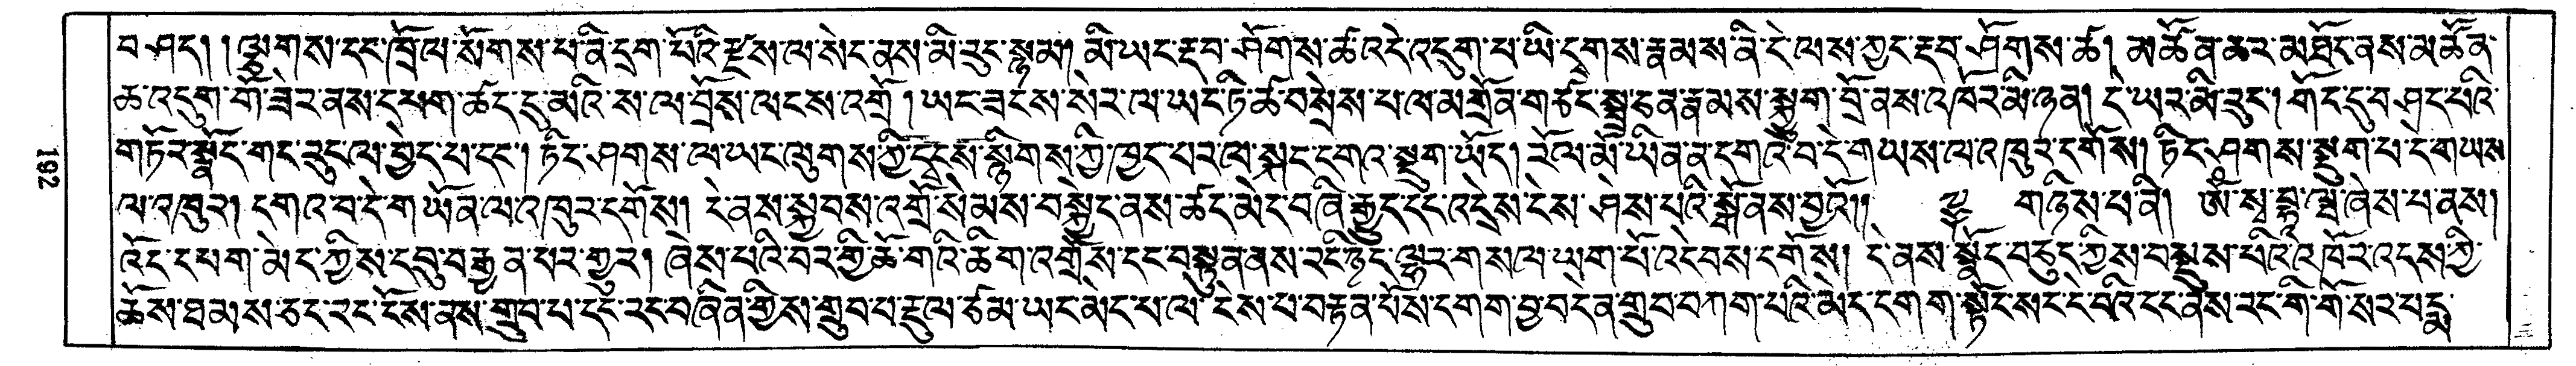བཤད། །ལྕགས་དང་ཁྲོ་ལ་སོགས་པ་ནི་དྲག་པོའི་རྫས་ལ་སོང་ནས་མི་རུང་སྙམ། མི་ཡང་རྔབ་ཤོགས་ཚ་འདེ་འདུག་པ་ཡི་དྭགས་རྣམས་ནི་དེ་ལས་ཀྱང་རྡབ་ཤོགས་ཚ། མཚོན་ཆར་མཐོང་ནས་མཚོན་
ཆ་འདུག་གོ་ཟེར་ནས་དཔག་ཚད་དུ་མའི་ས་ལ་བྲོས་ལངས་འགྲོ་།ཡང་ཟངས་སེར་ལ་ཡང་ཏི་ཚ་བསྲེས་པ་ལ་མགྲོན་གཙང་སྦྲ་ཅན་རྣམས་སྐྱུག་བྲོ་ནས་འཁོར་མི་ཉན། དེ་ཡང་མི་རུང་། གོང་དུ་བཤད་པའི་
གཏོར་སྣོད་གང་རུང་ལ་བྱེད་པ་དང་། ཏིང་ཤགས་ལ་ཡང་ལུགས་ཀྱི་དྭངས་སྙིགས་ཀྱི་ཁྱད་པར་ལ་སྐད་དགའ་སྡུག་ཡོད། རོལ་མོ་ཡིན་ན་དགའ་བ་དེ་གཡས་ལ་འཁུར་དགོས། ཏིང་ཤགས་སྡུག་པ་དེ་གཡས་
ལ་འཁུར། དགའ་བ་དེ་གཡོན་ལ་འཁུར་དགོས། དེ་ནས་སྐྱབས་འགྲོ་སེམས་བསྐྱེད་ནས་ཚད་མེད་བཞི་རྒྱུད་དང་འདྲེས་ངེས་ཤེས་པའི་སྒོ་ནས་བྱའོ།། ༈ གཉིས་པ་ནི། ཨོཾ་སྭ་བྷ་ཝ་ཞེས་པ་ནས།
འོད་དཔག་མེད་ཀྱིས་དབུ་བརྒྱན་པར་གྱུར། ཞེས་པའི་བར་གྱི་ཆོ་གའི་ཚིག་འགྲོས་དང་བསྟུན་ནས་རང་ཉིད་ལྷར་གསལ་ཡག་པོ་འདེབས་དགོས། དེ་ནས་སྣོད་བཅུད་ཀྱིས་བསྡུས་པའི་འཁོར་འདས་ཀྱི་
ཆོས་ཐམས་ཅད་རང་ངོས་ནས་གྲུབ་པ་དང་རང་བཞིན་གྱིས་གྲུབ་པ་རྡུལ་ཙམ་ཡང་མེད་པ་ལ་ངེས་པ་བརྟན་པོས་དགག་བྱ་བདེན་གྲུབ་བཀག་བའི་མེད་དགག་སྟོང་སང་དེ་བའི་ངང་ནས་རང་གི་གོ་སར་པདམ་